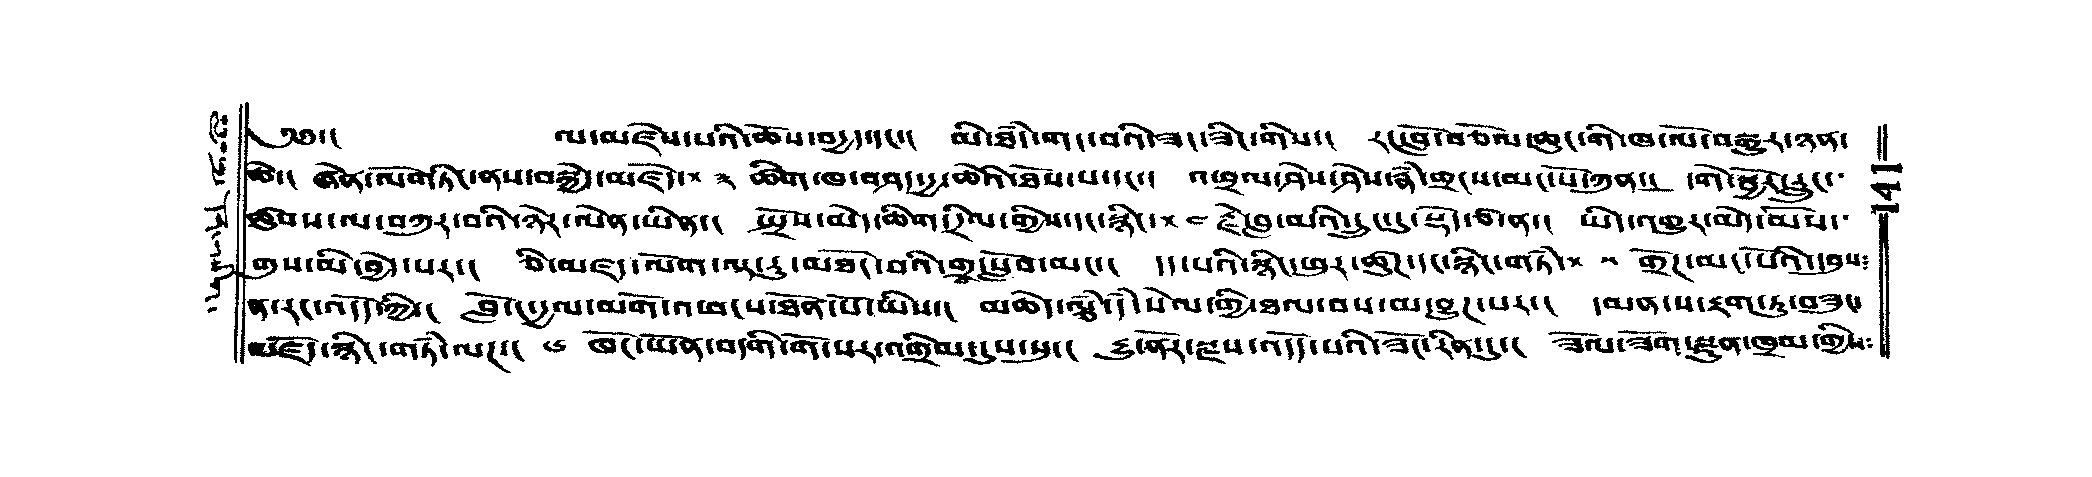ལ་མཛེས་པའི་ཆོས་བརྒྱད་དང་། །མི་ཐམས་ཅད་དགའ་བའི་ཟང་ཟིང་གིས། རང་བློ་བཅོལ་ཆུང་གི་ཁ་ལོ་བསྒྱུར་ཉན་
ཆེ། །ཞེན་ལོག་གཏིང་ནས་བསྐྱེད་མཛོད༴ །ཚིག་ཁ་བཤད་རྒྱ་ཆེའི་ཐོས་པ་དང་། །འཕྲལ་ཤེས་ཤེས་རྣམ་གྲངས་མང་པོ་ཀུན། །དགེ་སྦྱོར་རླུང་
ཚུབས་ལ་བཀུར་བའི་ཉེར་ལེན་ཡིན། །སྤྲོས་མེད་ཆག་དྲིལ་གྱིས་དང་སྙིང༴ །རྗེ་བླ་མའི་དྲུང་དུ་སྡོད་ཙ་ན། །ཡིད་འགྱུར་མེད་མོས་
གུས་མི་བྱེད་པར། །ཅི་མཛད་ལོག་ལྟ་རུ་མཐོང་བའི་གྲྭ་སློབ་མང་། །དད་པའི་སྙིང་ཕུར་ཚུགས་དང་སྙིང་གཏམ༴ །གྲོགས་མང་པོའི་དབུས་
ན་རང་འདོད་ཀྱི། །བློ་ང་རྒྱལ་མགོ་འཕང་ཐོན་པོ་ཡིས། །མཆེང་ལྕམ་དམ་སེལ་གྱི་ཐལ་བས་མ་བྱུགས་པར། །དམན་ས་རྟག་ཏུ་བཟུང་
མཛོད་སྙིང་གཏམ་ལགས། །ཁོང་ཡོན་བདག་གི་གོ་སར་འགྲིམ་དུས་སུ། །རྒྱུ་ནོར་རྫས་འདོད་པའི་ཟོང་རིན་དུ། །ཟོལ་ཟོག་རྫུན་ཁྲམ་གྱིས་